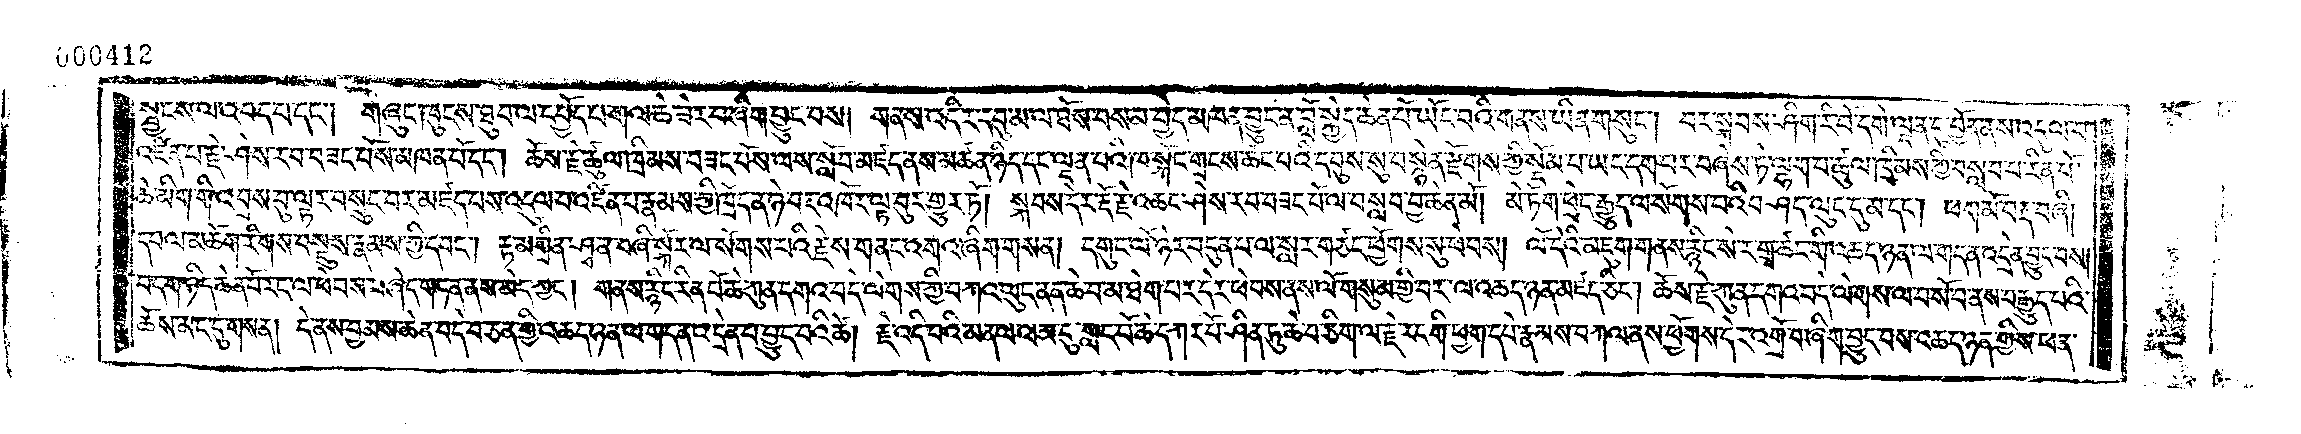སྦྱངས་ལ་འབད་པ་དང་། གཞུང་ཁུངས་ཐུབ་ལ་དཔྱོད་པ་གལ་ཆེ་ཟེར་བ་ཞིག་བྱུང་བས། གནས་འདིར་དབུ་མ་ལ་ཐོས་བསམ་བྱེད་མཁན་བྱུང་ན་བློ་སྐྱེད་ཆེན་པོ་ཡོང་བའི་གནས་ཡིན་གསུང་། བར་སྐབས་ཤིག་རི་བོ་དགེ་ལྡན་དུ་བྱོན་ནས་འདུལ་བ་
འཛིན་པ་རྗེ་ཤེས་རབ་བཟང་པོས་མཁན་པོ་དང་། ཆོས་རྗེ་ཚུལ་ཁྲིམས་བཟང་པོས་ལས་སློབ་མཛད་ནས་མཚན་ཉིད་དང་ལྡན་པའི་ཁ་སྐོང་གྲངས་ཚང་བའི་དབུས་སུ་བསྙེན་རྫོགས་ཀྱི་སྡོམ་པ་ཡང་དག་པར་བཞེས་ཏེ་ལྷག་བ་ཚུལ་ཁྲིམས་ཀྱི་བསླབ་པ་རིན་པོ་
ཆེ་མིག་གི་འབྲས་བུ་ལྟར་བསྲུང་བར་མཛད་པས་འདུལ་བ་འཛིན་པ་རྣམས་ཀྱི་ཁྲོད་ན་ཉེ་བར་འཁོར་ལྟ་བུར་གྱུར་ཏོ། སྐབས་དེར་རྡོ་རྗེ་འཆང་ཤེས་རབ་བཟང་པོ་ལ་བསླབ་བྱ་ཆེན་མོ། མེ་ཏོག་ཕྲེང་རྒྱུད་ལ་སོགས་པའི་བཤད་ལུང་དུ་མ་དང་། ཕག་མོ་བརྡ་བཞི།
དཔལ་མཆོག་རིགས་བསྡུས་རྣམས་ཀྱི་དབང་། རྟ་མགྲིན་ཤྭ་ན་བཞི་སྐོར་ལ་སོགས་པའི་རྗེས་གནང་འགའ་ཞིག་གསན། དགུང་ལོ་ཉེར་བདུན་པ་ལ་སླར་གཙང་ཕྱོགས་སུ་ཕེབས། ལོ་དེའི་མཇུག་གནས་རྙིང་སེ་ར་གྲྭ་ཚང་གི་འཆད་ཉན་ལ་གདན་འདྲེན་བྱུང་བས།
བདག་ཉིད་ཆེན་པོ་རང་ལ་ཕེབས་བཞེད་གཏན་ནས་མེད་ཀྱང་། གནས་རྙིང་རིན་པོ་ཆེ་ཀུན་དགའ་བདེ་ལེགས་ཀྱི་བཀའ་ལུང་ནན་ཆེ་བ་མ་ཐེག་པར་དེར་ཕེབས་ནས་ལོ་གསུམ་གྱི་བར་ལ་འཆད་ཉན་མཛད་ཅིང་། ཆོས་རྗེ་ཀུན་དགའ་བདེ་ལེགས་ལ་བསོ་བ་ནས་བརྒྱུད་པའི་
ཆོས་མང་དུ་གསན། དེ་ནས་བྱམས་ཆེན་བདེ་བ་ཅན་གྱི་འཆད་ཉན་ལ་གདན་འདྲེན་པ་བྱུང་བའི་ཚེ། རྗེ་འདི་བའི་མནལ་ལམ་དུ་གླང་པོ་ཆེ་དཀར་པོ་ཤིན་ཏུ་ཆེ་བ་ཅིག་ལ་རྗེ་རང་གི་ཕྱག་དཔེ་རྣམས་བཀལ་ནས་ཕྱོགས་དེར་འགྲོ་བ་ཞིག་བྱུང་བས་འཆད་ཉན་གྱིས་ཕན་